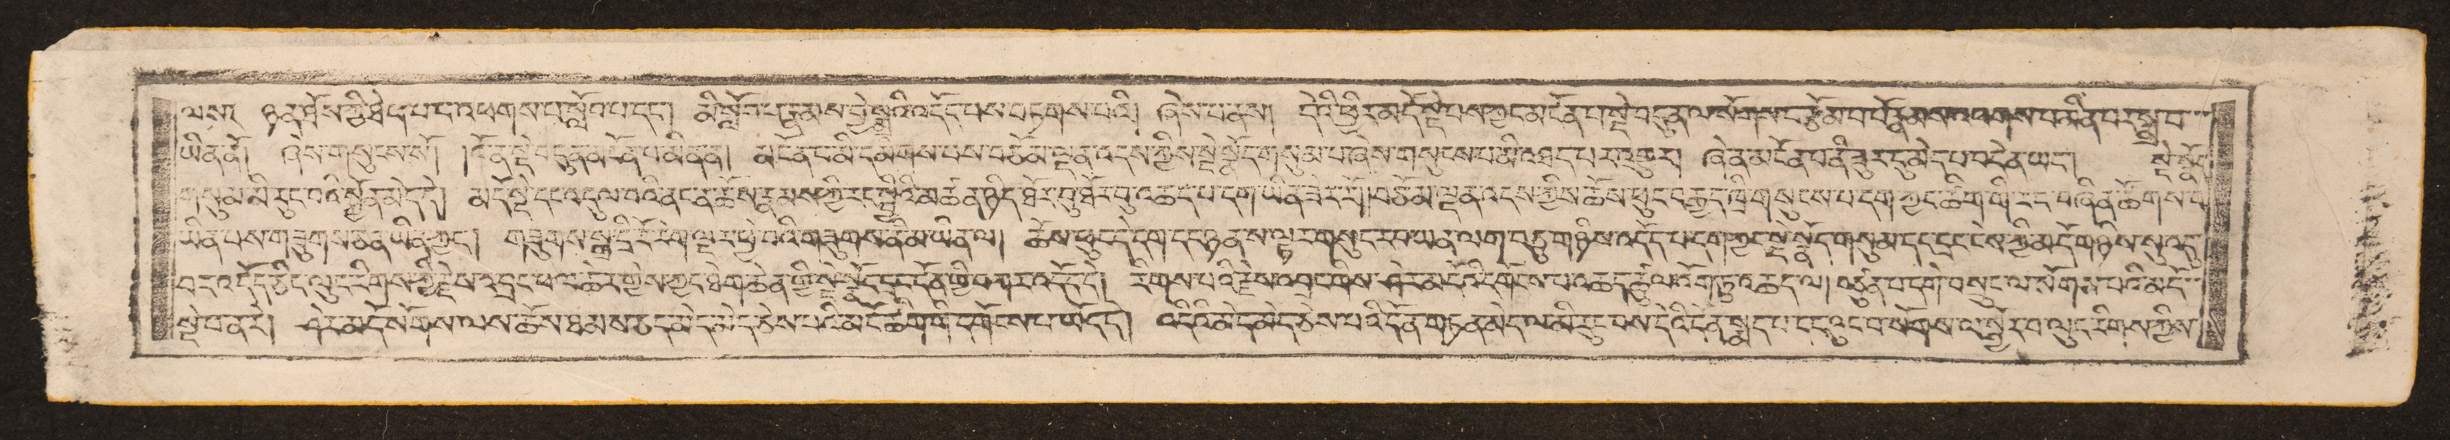ལས༑ ཉན་ཐོས་ཀྱི་ཐེག་པ་པ་འཕགས་པ་སློབ་པ་དང་། མི་སློབ་པ་རྣམས་བྱེ་སྨྲའི་འདོད་པས་བཏགས་པའི། ཞེས་པ་ནས། དེའི་ཕྱིར་མདོ་སྡེ་བས་ཀྱང་མངོན་པ་སྡེ་བདུན་ལ་སོགས་པ་རྩོམ་པ་པོ་རྣམས་འཕགས་པ་མིན་པར་སྨྲ་པ་
ཡིན་ནོ། ཞེས་གསུངས་སོ། །འོ་ན་སྡེ་བདུན་མངོན་པ་མིན་ན། མངོན་པ་མི་དམིགས་པས་བཅོམ་ལྡན་འདས་ཀྱིས་སྡེ་སྣོད་གསུམ་པ་ཞེས་གསུངས་པ་མི་འཐད་པར་འགྱུར། ཞེ་ན་མངོན་པ་ནི་ཟུར་དུ་མེད་པ་བདེན་ཡང་། སྡེ་སྣོད་
གསུམ་མི་རུང་བའི་སྐྱོན་མེད་དེ། མདོ་སྡེ་དང་འདུལ་བའི་ནང་ན་ཆོས་རྣམས་ཀྱི་རང་སྤྱིའི་མཚན་ཉིད་ཐོར་བུ་ཐོར་བུ་འཆད་པ་དག་ཡིན་ཟེར་རོ། །བཅོམ་ལྡན་འདས་ཀྱིས་ཆོས་ཕུང་བརྒྱད་ཁྲི་གསུངས་པ་དག་ཀྱང་ཚིག་གི་རང་བཞིན་ཚོགས་པ་
ཡིན་པས་གཟུགས་ཅན་ཡིན་ཀྱང་། གཟུགས་སྒྲ་དྲི་རོ་རེག་ལྔར་ཕྱེ་བའི་གཟུགས་ནི་མ་ཡིན་ལ། ཆོས་ཕུང་དེ་དག་དང་ཉན་ས་ལྟར་གསུང་རབ་ཡན་ལག་བཅུ་གཉིས་འདོད་པ་དག་ཀྱང་སྡེ་སྣོད་གསུམ་དང་དྲང་ངེས་ཀྱི་མདོ་གཉིས་སུ་འདུ་
པར་འདོད་ཅིང་ལུང་རིགས་ཀྱི་རྗེས་འབྲང་ཕལ་ཆེར་གྱིས་ཀྱང་ཐེག་ཆེན་གྱི་སྡེ་སྣོད་དྲང་དོན་གྱི་བཀར་འདོད་དེ། རིགས་པའི་རྗེས་འབྲང་གིས་ཤེར་མདོའི་དགོངས་པ་འཆད་ཚུལ་འོག་ཏུ་འཆད་ལ། བཙུན་པ་དགེ་བསྲུང་ལ་སོགས་པའི་མདོ་
སྡེ་པ་ན་རེ། ཤེར་མདོ་སོགས་ལས་ཆོས་ཐམས་ཅད་མེད་མེད་ཅེས་པའི་མདོ་ཚིག་གི་དགོངས་པ་ཡོད་དེ། འདིའི་མེད་མེད་ཅེས་པའི་དོན་གཏན་མེད་ལ་མི་རུང་བས་དེའི་དོན་སྨད་བ་དང་ཉུང་བ་སོགས་ལ་སྦྱོར་བ་ལུང་རིགས་ཀྱིས་